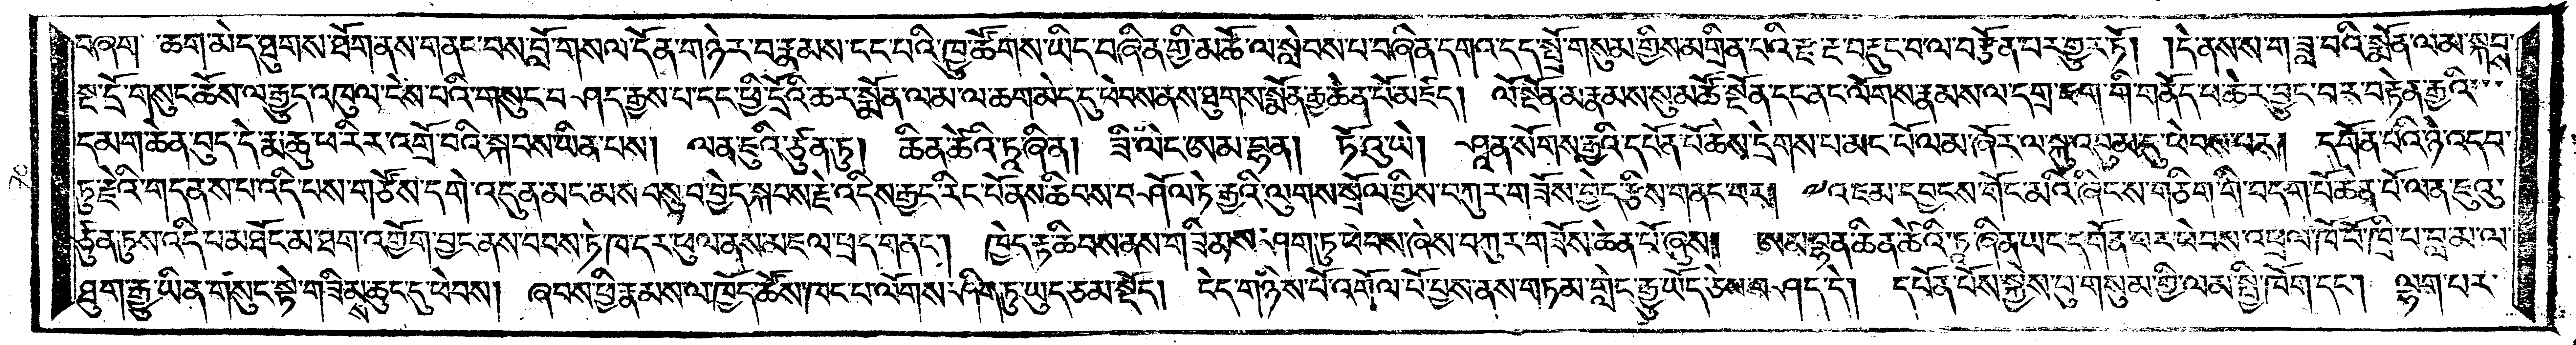བཞག་ཆག་མེད་ཐུགས་ཐོག་ནས་གནང་བས་བློ་གསལ་དོན་གཉེར་བ་རྣམས་ངང་བའི་ཁྱུ་ཚོགས་ཡིད་བཞིན་གྱི་མཚོ་ལ་སླེབས་པ་བཞིན་དགའ་དད་སྤྲོ་གསུམ་གྱིས་མགྲིན་པའི་རྫ་རྔ་བརྡུང་བ་ལ་བརྩོན་པར་གྱུར་ཏོ། །དེ་ནས་ས་ག་ཟླ་བའི་སྨོན་ལམ་སྐབས་
སྔ་དྲོ་གསུང་ཆོས་ལ་རྒྱུད་འཁུལ་ངེས་པའི་གསུང་བཤད་རྒྱས་པ་དང་ཕྱི་དྲོའི་ཆར་སྨོན་ལམ་ལ་ཆག་མེད་དུ་ཕེབས་ནས་ཐུགས་སྨོན་རྒྱ་ཆེན་པོ་མཛད། ལོ་སྔོན་མ་རྣམས་སུ་མཚོ་སྔོན་དང་ནང་ལོགས་རྣམས་ལ་དགྲ་ངག་གི་གནོད་པ་ཆེར་བྱུང་བར་བརྟེན་རྒྱའི་
དམག་ཆེན་བུད་དེ་རྨ་ཆུ་ཕ་རིར་འགྲོ་བའི་སྐབས་ཡིན་པས། ལན་ཇུའི་ཙུན་ཏུ། ཚིན་ཚེའི་ཏཱ་ཞིན། ཟི་ལིང་ཨམ་བྷན། ཏོ་འུ་ཡེ། ཤཱན་སོགས་རྒྱའི་དཔོན་པོ་ཆེས་དྲེགས་པ་མང་པོ་ལམ་ཞོར་ལ་སྐུ་འབུམ་དུ་ཕེབས་པར། དགོན་བའི་ཉེ་འདབ་
ཏུ་རྗེའི་གདན་ས་པ་འདི་པས་གཙོས་དགེ་འདུན་མང་མས་བསུ་བ་བྱེད་སྐབས་རྗེ་འདིས་རྒྱང་རིང་པོ་ནས་ཆིབས་བཤོལ་ཏེ་རྒྱའི་ལུགས་སྲོལ་གྱིས་བཀུར་གཟོས་བྱེད་རྩིས་གནང་བར། ༧ཇམ་དབྱངས་གོང་མའི་ཞིང་ས་གཅིག་གི་བདག་པོ་ཆེན་པོ་ལན་ཇུའུ་
ཙུན་ཏུས་འདི་པ་མཐོང་མ་ཐག་འགྱོག་བྱང་ནས་བབས་ཏེ་ཁ་དར་ཕུལ་ནས་མཇལ་ཕྲད་གནང་། ཁྱེད་རྟ་ཆིབས་ནས་གཟིམས་ཤག་ཏུ་ཕེབས་ཞེས་བཀུར་གཟོས་ཆེན་པོ་ཞུས། ཨམ་བྷན་ཆིན་ཚེའི་ཏཱ་ཞིན་ཡང་དགོན་པར་ཕེབས་འཕྲལ་ཁོ་བོ་ཁྲི་པ་བླ་མ་ལ་
ཐུག་རྒྱུ་ཡིན་གསུང་སྟེ་གཟིམས་ཆུང་དུ་ཕེབས། ཞབས་ཕྱི་རྣམས་ལ་ཁྱོད་ཚོས་ཁང་པ་ལོགས་ཤིག་ཏུ་ཡུད་ཙམ་སྡོད། ངེད་གཉིས་པོ་འགོལ་པོ་བྱས་ནས་གཏམ་གླེང་རྒྱུ་ཡོད་ཅེས་བཤད་དེ། དཔོན་པོས་སྐྱེས་བུ་གསུམ་གྱི་ལམ་སྤྱི་ཁོག་དང་། ལྷག་པར་